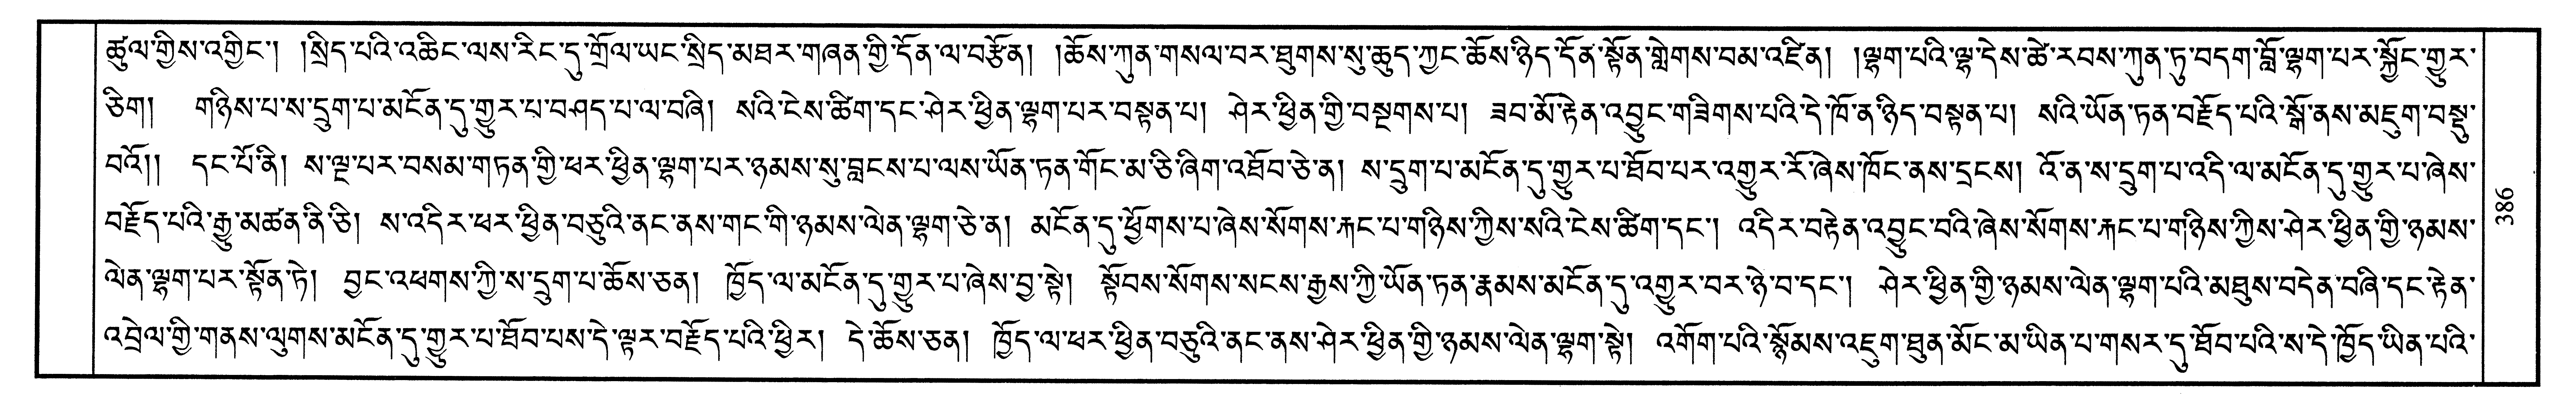ཚུལ་གྱིས་འགྱིང་། །སྲིད་པའི་འཆིང་ལས་རིང་དུ་གྲོལ་ཡང་སྲིད་མཐར་གཞན་གྱི་དོན་ལ་བརྩོན། །ཆོས་ཀུན་གསལ་བར་ཐུགས་སུ་ཆུད་ཀྱང་ཆོས་ཉིད་དོན་སྟོན་གླེགས་བམ་འཛིན། །ལྷག་པའི་ལྷ་དེས་ཚེ་རབས་ཀུན་ཏུ་བདག་བློ་ལྷག་པར་སྐྱོང་གྱུར་
ཅིག། གཉིས་པ་ས་དྲུག་པ་མངོན་དུ་གྱུར་པ་བཤད་པ་ལ་བཞི། སའི་ངེས་ཚིག་དང་ཤེར་ཕྱིན་ལྷག་པར་བསྟན་པ། ཤེར་ཕྱིན་གྱི་བསྔགས་པ། ཟབ་མོ་རྟེན་འབྱུང་གཟིགས་པའི་དེ་ཁོ་ན་ཉིད་བསྟན་པ། སའི་ཡོན་ཏན་བརྗོད་པའི་སྒོ་ནས་མཇུག་བསྡུ་
བའོ།། དང་པོ་ནི། ས་ལྔ་པར་བསམ་གཏན་གྱི་ཕར་ཕྱིན་ལྷག་པར་ཉམས་སུ་བླངས་པ་ལས་ཡོན་ཏན་གོང་མ་ཅི་ཞིག་འཐོབ་ཅེ་ན། ས་དྲུག་པ་མངོན་དུ་གྱུར་པ་ཐོབ་པར་འགྱུར་རོ་ཞེས་ཁོང་ནས་དྲངས། འོ་ན་ས་དྲུག་པ་འདི་ལ་མངོན་དུ་གྱུར་པ་ཞེས་
བརྗོད་པའི་རྒྱུ་མཚན་ནི་ཅི། ས་འདིར་ཕར་ཕྱིན་བཅུའི་ནང་ནས་གང་གི་ཉམས་ལེན་ལྷག་ཅེ་ན། མངོན་དུ་ཕྱོགས་པ་ཞེས་སོགས་རྐང་པ་གཉིས་ཀྱིས་སའི་ངེས་ཚིག་དང་། འདིར་བརྟེན་འབྱུང་བའི་ཞེས་སོགས་རྐང་པ་གཉིས་ཀྱིས་ཤེར་ཕྱིན་གྱི་ཉམས་
ལེན་ལྷག་པར་སྟོན་ཏེ། བྱང་འཕགས་ཀྱི་ས་དྲུག་པ་ཆོས་ཅན། ཁྱོད་ལ་མངོན་དུ་གྱུར་པ་ཞེས་བྱ་སྟེ། སྟོབས་སོགས་སངས་རྒྱས་ཀྱི་ཡོན་ཏན་རྣམས་མངོན་དུ་འགྱུར་བར་ཉེ་བ་དང་། ཤེར་ཕྱིན་གྱི་ཉམས་ལེན་ལྷག་པའི་མཐུས་བདེན་བཞི་དང་རྟེན་
འབྲེལ་གྱི་གནས་ལུགས་མངོན་དུ་གྱུར་པ་ཐོབ་པས་དེ་ལྟར་བརྗོད་པའི་ཕྱིར། དེ་ཆོས་ཅན། ཁྱོད་ལ་ཕར་ཕྱིན་བཅུའི་ནང་ནས་ཤེར་ཕྱིན་གྱི་ཉམས་ལེན་ལྷག་སྟེ། འགོག་པའི་སྙོམས་འཇུག་ཐུན་མོང་མ་ཡིན་པ་གསར་དུ་ཐོབ་པའི་ས་དེ་ཁྱོད་ཡིན་པའི་